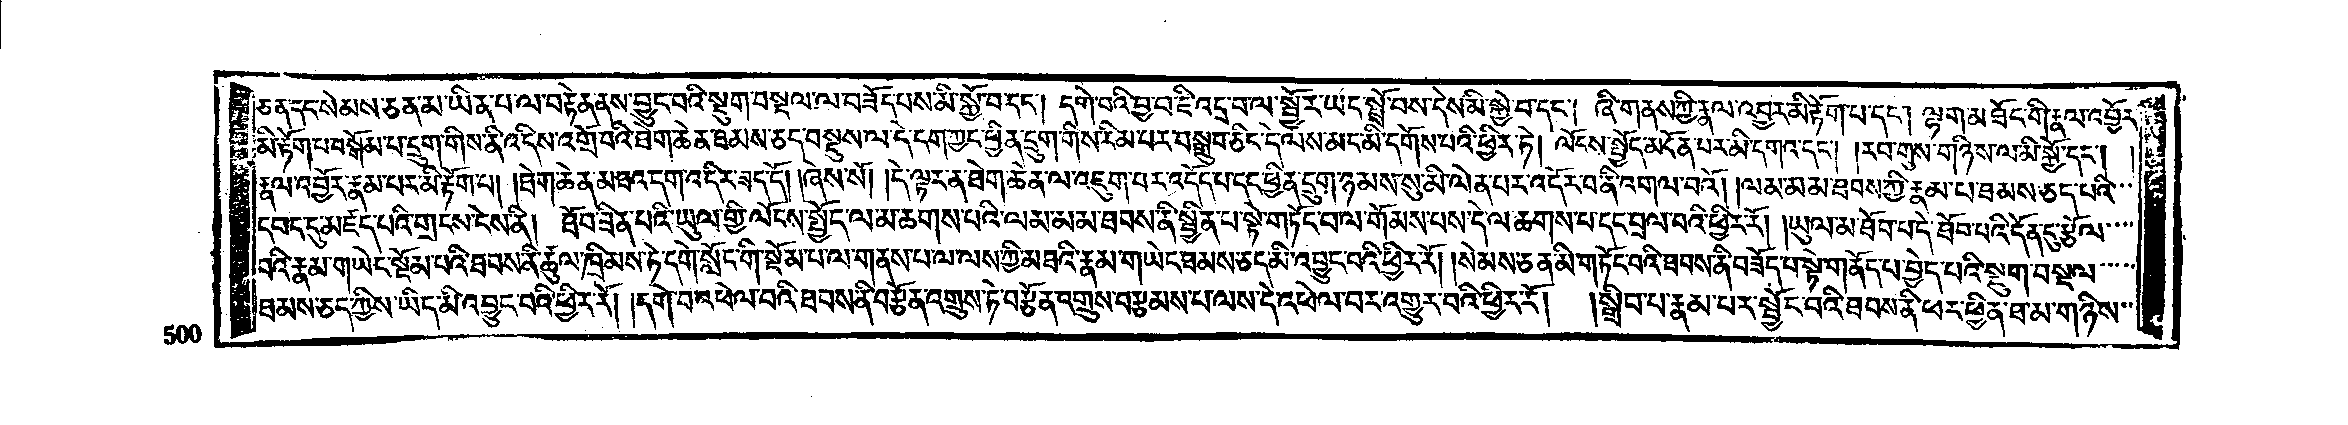ཅན་དང་སེམས་ཅན་མ་ཡིན་པ་ལ་བརྟེན་ནས་བྱུང་བའི་སྡུག་བསྔལ་ལ་བཟོད་པས་མི་སྐྱོ་བ་དང་། དགེ་བའི་བྱ་བ་ཇི་འདྲ་བ་ལ་སྦྱོར་ཡང་སྤྲོ་བས་དེས་མི་སྐྱོ་བ་དང་། ཞི་གནས་ཀྱི་རྣལ་འབྱོར་མི་རྟོག་པ་དང་། ལྷག་མཐོང་གི་རྣལ་འབྱོར་
མི་རྟོག་པ་བསྒོམ་པ་དྲུག་གིས་ནི་འདིས་འགྲོ་བའི་ཐེག་ཆེན་ཐམས་ཅད་བསྡུས་ལ་དེ་དག་ཀྱང་ཕྱིན་དྲུག་གིས་རིམ་པར་བསྒྲུབ་ཅིང་དེ་ལས་མང་མི་དགོས་པའི་ཕྱིར་ཏེ། ལོངས་སྤྱོད་མངོན་པར་མི་དགའ་དང་། །རབ་གུས་གཉིས་ལ་མི་སྐྱོ་དང་། །
རྣལ་འབྱོར་རྣམ་པར་མི་རྟོག་པ། །ཐེག་ཆེན་མཐའ་དག་འདིར་ཟད་དོ། །ཞེས་སོ། །དེ་ལྟར་ན་ཐེག་ཆེན་ལ་འཇུག་པར་འདོད་པ་དང་ཕྱིན་དྲུག་ཉམས་སུ་མི་ལེན་པར་འདོར་བ་ནི་འགལ་བའོ། །ལམ་མམ་ཐབས་ཀྱི་རྣམ་པ་ཐམས་ཅད་པའི་
དབང་དུ་མཛད་པའི་གྲངས་ངེས་ནི། ཐོབ་ཟིན་པའི་ཡུལ་གྱི་ལོངས་སྤྱོད་ལ་མ་ཆགས་པའི་ལམ་མམ་ཐབས་ནི་སྦྱིན་པ་སྟེ་གཏོང་བ་ལ་གོམས་པས་དེ་ལ་ཆགས་པ་དང་བྲལ་བའི་ཕྱིར་རོ། །ཡུལ་མ་ཐོབ་པ་དེ་ཐོབ་པའི་དོན་དུ་རྩོལ་
བའི་རྣམ་གཡེང་སྡོམ་པའི་ཐབས་ནི་ཚུལ་ཁྲིམས་ཏེ་དགེ་སློང་གི་སྡོམ་པ་ལ་གནས་པ་ལ་ལས་ཀྱི་མཐའི་རྣམ་གཡེང་ཐམས་ཅད་མི་འབྱུང་བའི་ཕྱིར་རོ། །སེམས་ཅན་མི་གཏོང་བའི་ཐབས་ནི་བཟོད་པ་སྟེ་གནོད་པ་བྱེད་པའི་སྡུག་བསྔལ་
ཐམས་ཅད་ཀྱིས་ཡིད་མི་འབྱུང་བའི་ཕྱིར་རོ། །དགེ་བ་འཕེལ་བའི་ཐབས་ནི་བརྩོན་འགྲུས་ཏེ་བརྩོན་འགྲུས་བརྩམས་པ་ལས་དེ་འཕེལ་བར་འགྱུར་བའི་ཕྱིར་རོ། །སྒྲིབ་པ་རྣམ་པར་སྦྱོང་བའི་ཐབས་ནི་ཕར་ཕྱིན་ཐ་མ་གཉིས་